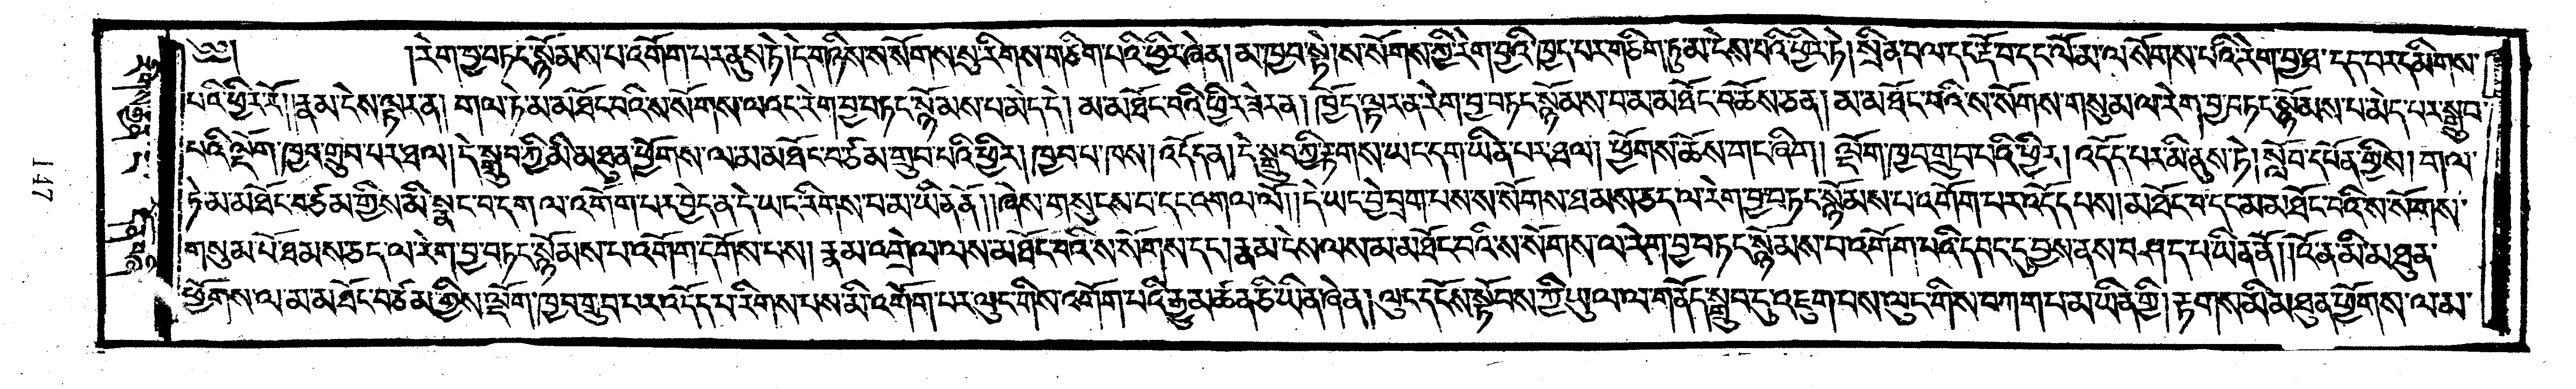༄༅། །རེག་བྱ་བཏང་སྙོམས་པ་འགོག་པར་ནུས་ཏེ། དེ་གཉིས་ས་སོགས་སུ་རིགས་གཅིག་པའི་ཕྱིར་ཞེ་ན། མ་ཁྱབ་སྟེ། ས་སོགས་ཀྱི་རེག་བྱའི་ཁྱད་པར་གཅིག་ཏུ་མ་ངེས་པའི་ཕྱིར་ཏེ། སྲིན་པ་ལ་དང་རྡོ་བ་དང་ལོ་མ་ལ་སོགས་པའི་རེག་བྱ་ཐ་དད་པར་དམིགས་
པའི་ཕྱིར་རོ། །རྣམ་ངེས་ལྟར་ན། གལ་ཏེ་མ་མཐོང་བའི་ས་སོགས་ལའང་རེག་བྱ་བཏང་སྙོམས་པ་མེད་དེ། མ་མཐོང་བའི་ཕྱིར་ཟེར་ན། ཁྱོད་ལྟར་ན་རེག་བྱ་བཏང་སྙོམས་པ་མ་མཐོང་བ་ཆོས་ཅན། མ་མཐོང་བའི་ས་སོགས་གསུམ་ལ་རེག་བྱ་བཏང་སྙོམས་པ་མེད་པར་སྒྲུབ་
པའི་ལྡོག་ཁྱབ་གྲུབ་པར་ཐལ། དེ་སྒྲུབ་ཀྱི་མི་མཐུན་ཕྱོགས་ལ་མ་མཐོང་བ་ཙམ་གྲུབ་པའི་ཕྱིར། ཁྱབ་པ་ཁས། འདོད་ན། དེ་སྒྲུབ་ཀྱི་རྟགས་ཡང་དག་ཡིན་པར་ཐལ། ཕྱོགས་ཆོས་གང་ཞིག །ལྡོག་ཁྱབ་གྲུབ་པའི་ཕྱིར། འདོད་པར་མི་ནུས་ཏེ། སློབ་དཔོན་གྱིས། གལ་
ཏེ་མ་མཐོང་བ་ཙམ་གྱིས་མི་སྣང་བ་དག་ལ་འགོག་པར་བྱེད་ན་དེ་ཡང་རགས་པ་མ་ཡིན་ནོ། །ཞེས་གསུངས་པ་དང་འགལ་ལོ། །དེ་ཡང་བྱེ་བྲག་པས་ས་སོགས་ཐམས་ཅད་ལ་རེག་བྱ་བཏང་སྙོམས་པ་འགོག་པར་འདོད་པས། མཐོང་བ་དང་མ་མཐོང་བའི་ས་སོགས་
གསུམ་པོ་ཐམས་ཅད་ལ་རེག་བྱ་བཏང་སྙོམས་པ་འགོག་དགོས་པས། རྣམ་འགྲེལ་ལས་མཐོང་བའི་ས་སོགས་དང་། རྣམ་ངེས་ལས་མ་མཐོང་བའི་ས་སོགས་ལ་རེག་བྱ་བཏང་སྙོམས་པ་འགོག་པའི་དབང་དུ་བྱས་ནས་བཤད་པ་ཡིན་ནོ། །འོ་ན་མི་མཐུན་
ཕྱོགས་ལ་མ་མཐོང་བ་ཙམ་གྱིས་ལྡོག་ཁྱབ་གྲུབ་པར་འདོད་པ་རིགས་པས་མི་འགག་པར་ལུང་གིས་འགོག་པའི་རྒྱུ་མཚན་ཅི་ཡིན་ཞེ་ན། ལུང་དངོས་སྟོབས་ཀྱི་ཡུལ་ལ་གནོད་སྒྲུབ་དུ་འཇུག་པས་ལུང་གིས་བཀག་པ་མ་ཡིན་གྱི། རྟགས་མི་མཐུན་ཕྱོགས་ལ་མ་